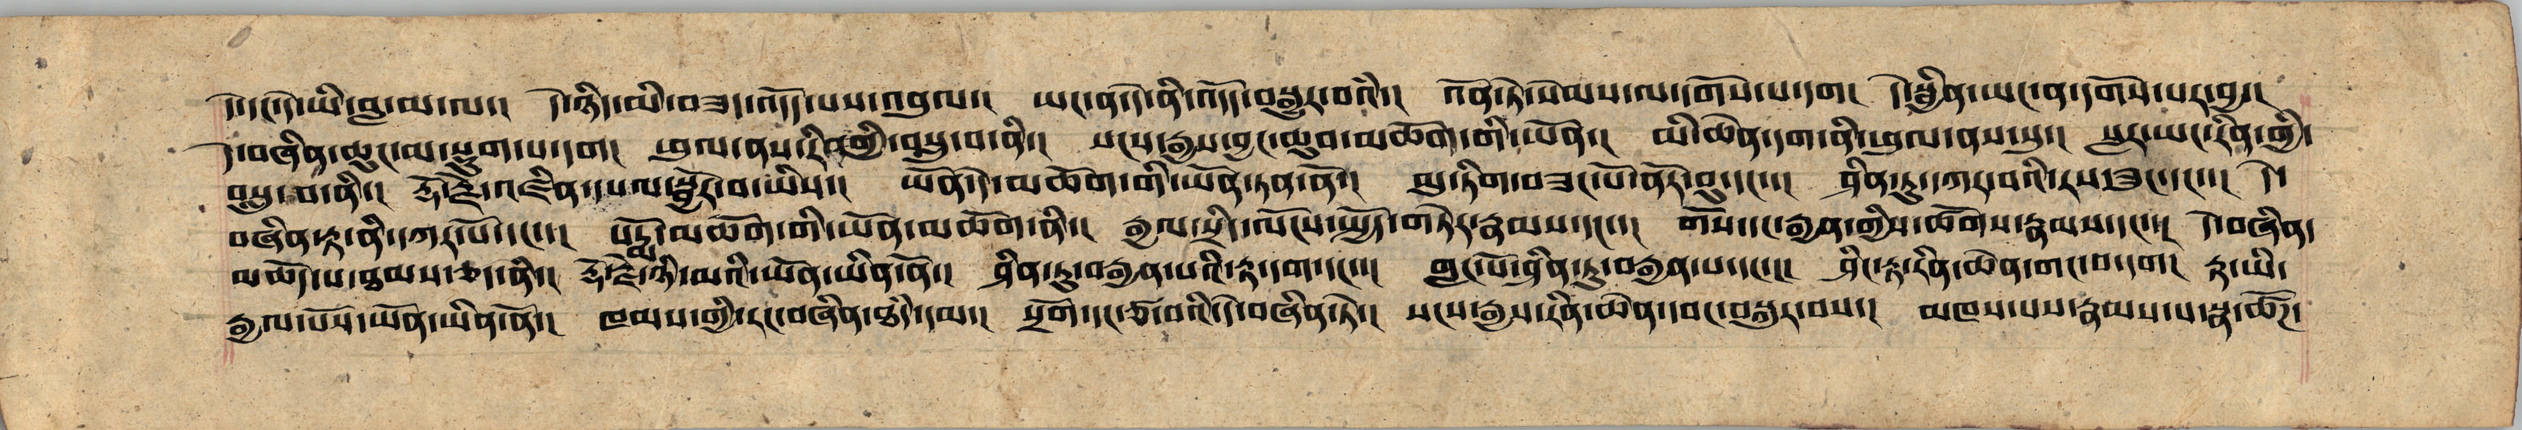དེ་དང་དེ་ནི་བླ་མ་ལ་། དེ་ཉིད་མི་བཟད་འདོད་པས་འབུལ་། ཡང་ན་དེ་ནི་འདོད་བསྒྱུར་བའི་། འོན་ཏེ་སེམས་ལ་དགོས་པ་དག། དེ་སྦྱིན་ཡང་ན་དགོས་པར་བྱ་།
དེ་བཞིན་ཆུང་མ་སྡུག་པ་དག། ཕུལ་ནས་རིན་གྱི་བསླུ་བ་ནི་། སངས་རྒྱས་བྱང་ཆུབ་མཆོག་གི་ཡོན་། མི་ཆེན་དག་ནི་ཕུལ་ནས་སུ་། སླར་ཡང་རིན་གྱི་
བསླུ་བ་ནི་། རྡོ་རྗེ་འཛིན་དཔལ་སྦྱོར་བ་ཡིས་། ཡོན་དེ་མཆོག་གི་ཡོན་ཏན་ནོ་། མུ་ཏིག་བཟང་པོ་ནོར་བུ་དང་་། ཤིན་ཏུ་དཀར་བའི་རས་ཟུང་དང་་། དེ་
བཞིན་རྟ་ནི་དཀར་པོ་དང་་། པདྨོ་མཆོག་གི་ཡོན་མཆོག་ནི་། རྒྱལ་སྲིད་ལོངས་སྤྱོད་གཏེར་རྣམས་དང་། གོས་དང་རྒྱན་གྱིས་ཚོགས་རྣམས་དང་་། དེ་བཞིན་
མཆོད་པ་ཐམས་ཅད་ནི་། རྡོ་རྗེ་ཉི་མའི་ཡོན་ཡིན་ནོ་། ཤིན་ཏུ་བརྒྱན་པའི་རྟ་དག་དང་་། གླང་པོ་ཤིན་ཏུ་བརྒྱན་པ་དང་་། ཤིང་རྟ་རིན་ཆེན་གང་བ་དག། རྟ་ཡི་
རྒྱལ་པོས་ཡོན་ཡིན་ནོ་། ཁམས་གྱི་རང་བཞིན་ཐཾད་དམ་། སྲོག་དང་ཙ་བའི་དེ་བཞིན་ཏེ་། སངས་རྒྱས་རིན་ཆེན་དབང་བསྐུར་བས་། མཁས་པས་རྣམས་པ་སྣ་ཚོཌ་